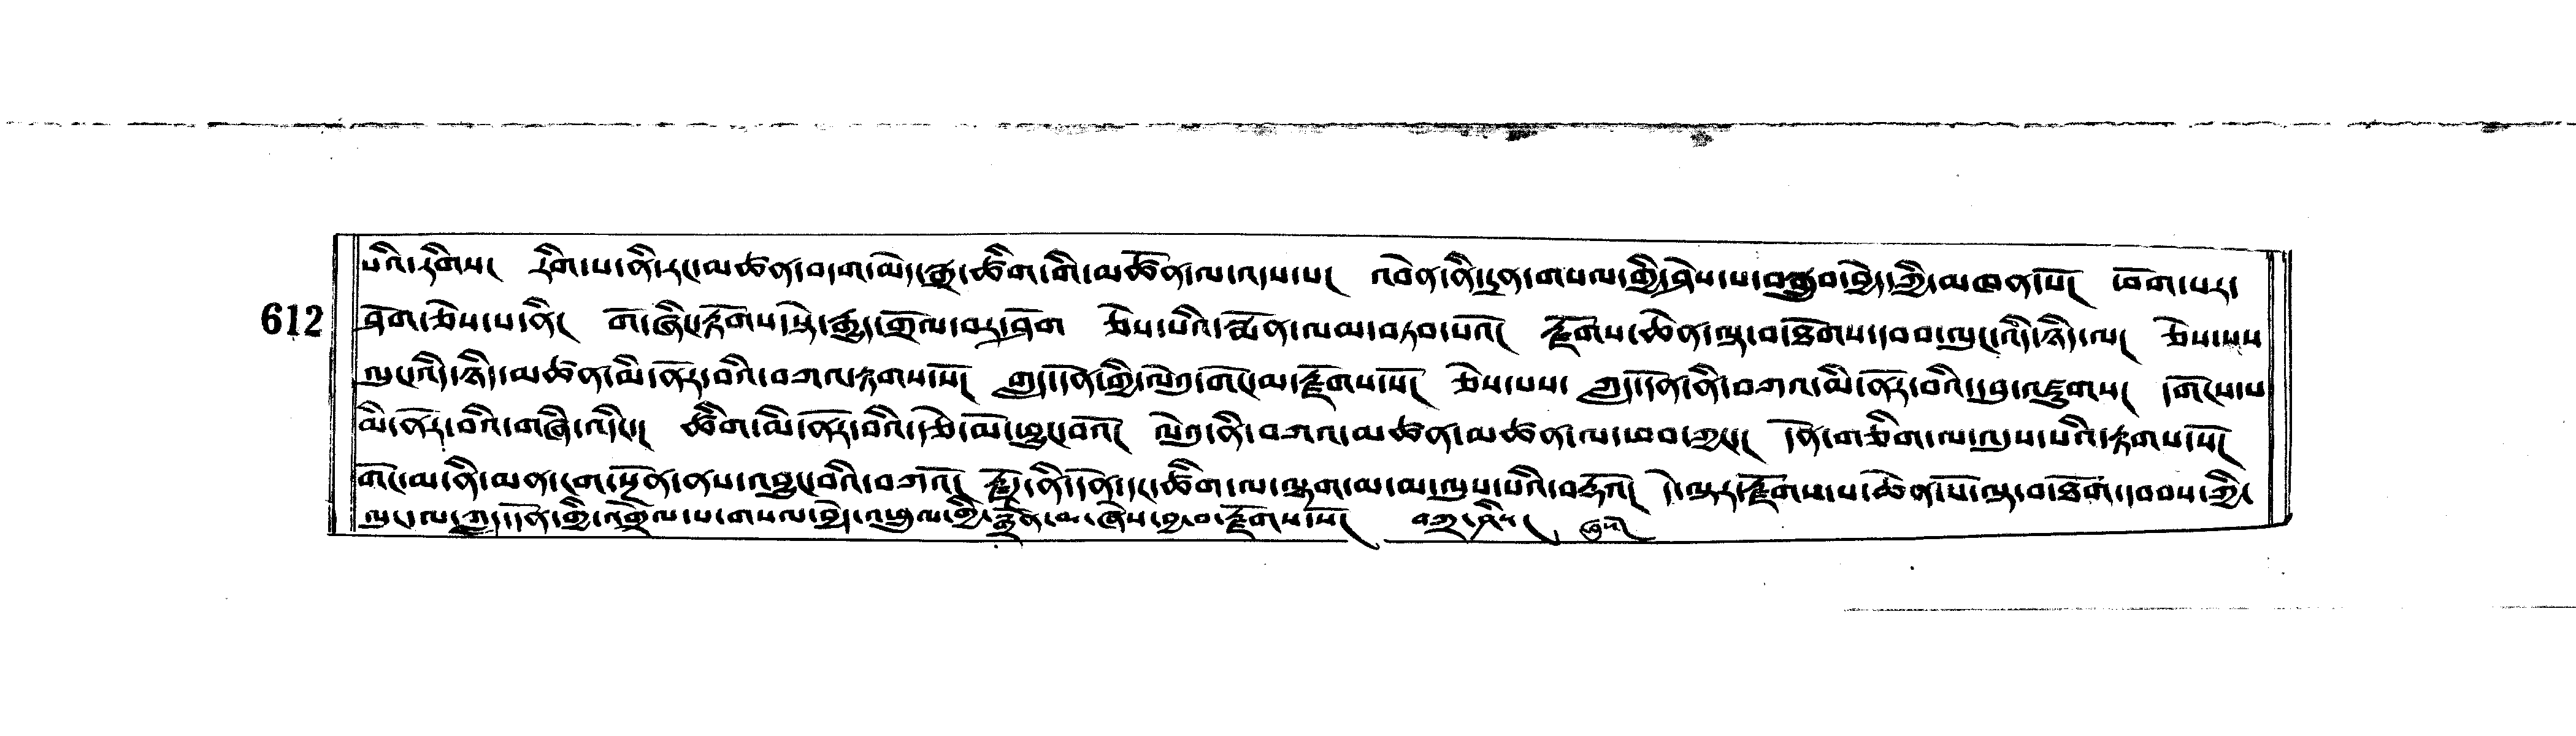པའི་རིགས། རིག་པ་ནི་རང་མཚན་བདག་མེད་སྒྲ་ཚིག་གི་མཚོན་ལས་འདས་པ། འབེན་ནི་དྲན་གསལ་གྱི་ཤེས་པ་སྒྲུབ་བྱེད་ཀྱི་མཁན་པོ། ཕོག་པར་
ཤོག་ཅེས་པ་ནི། གོ་ཞིང་རྟོགས་ཏེ་རྒྱུད་གྲོལ་བར་ཤོག། ཅེས་པའི་སྨོན་ལམ་བཏབ་པའོ། རྫོགས་ཆེན་ལྟ་བ་ཐོག་དབབ་ལུང་འདི་ཉིད་ལ། ཅེས་པས་
ལུང་འདི་ཉིད་མཚན་མི་ནོར་བའི་བཀའ་རྟགས་སོ། ཀླད་དོན་གྱི་ལེའུ་གོང་མ་རྫོགས་སོ། ཅེས་པས། ཀླད་དོན་ནི་བཀའ་མི་ནོར་བའི་དབུ་འཛུགས། དགོངས་པ་
མི་ནོར་བའི་གཞི་འདིང་། ཚིག་མི་ནོར་བའི་རྩེ་མོ་ཕྱུང་བའོ། ལེའུ་ནི་བཀའ་མཚན་མཚན་ལ་ཕབ་ཀྱང་། དོན་གཅིག་ལ་འདུས་པའི་རྟགས་སོ། 
གོང་མ་ནི་མན་ངག་སྔོན་ནས་འབྱུང་བའི་བཀའོ། རྫོགས་ནི་དོན་དང་ཚིག་ལ་ལྷག་མ་མ་ལུས་པའི་བརྡའོ། དེ་ལྟར་རྫོགས་པ་ཆེན་པོ་ལྟ་བ་ཐོག་དབབ་ཀྱི་
ལུང་ལ་ཀླད་དོན་གྱི་འགྲེལ་པ་གསལ་བྱེད་འཕྲུལ་གྱི་སྒྲོན་མེ་ཞེས་བྱ་བ་རྫོགས་སོ། བཀྲ་ཤིས། ཞུས་སོ།